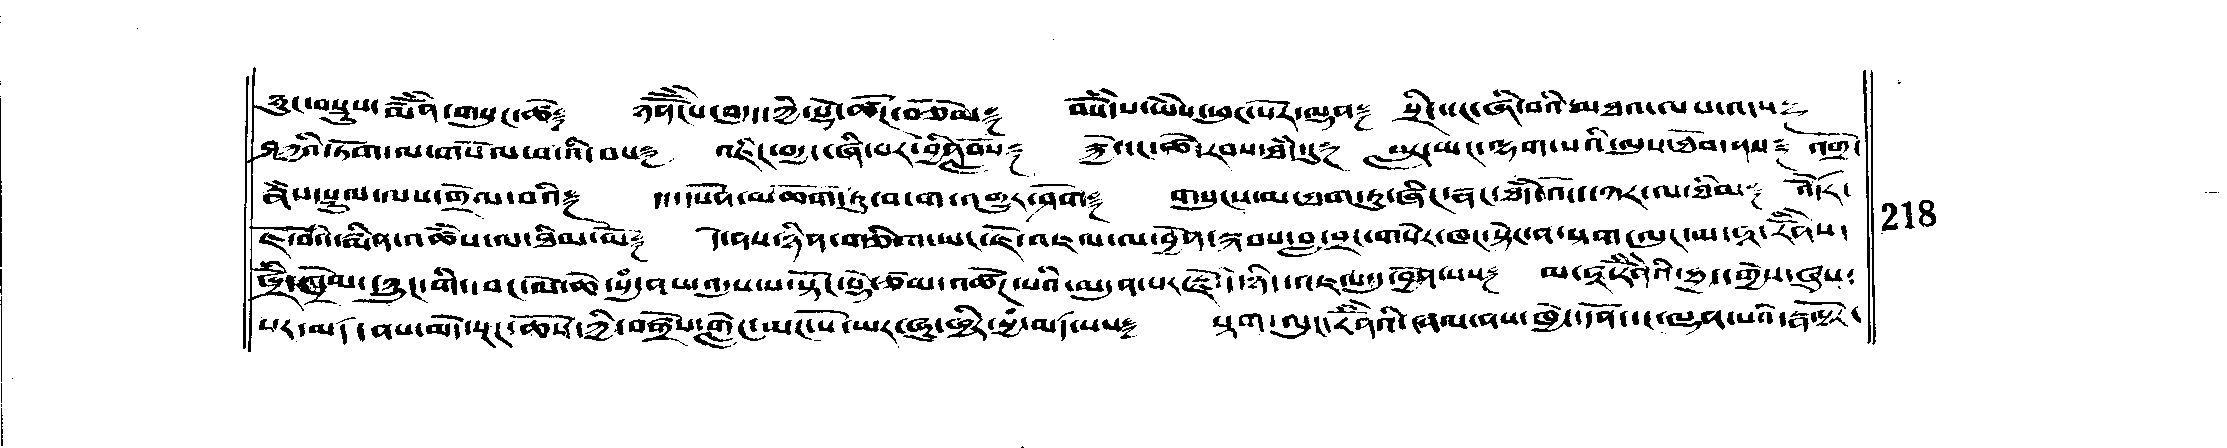ཉུང་བསྡུས་སྨོན་ལམ་གསུང་ཚེ། ཉོན་མོངས་བདུད་ཀྱི་སྡེ་ཚོགས་བཅོམ། །བསོད་ནམས་ཡེ་ཤེས་ཕུང་པོར་ལྡན། །སྲིད་དང་ཞི་བའི་མཐའ་ལས་འདས། །
ཤཱཀྱའི་ཏོག་ལ་གསོལ་བ་འདེབས། །འཇིགས་བརྒྱད་ཞི་བར་བྱིན་གྱིས་རློབས། །སྐྱེ་དང་ཚེ་རབས་ཐམས་ཅད་དུ། །སླར་ཡང་ལྷག་པའི་ལུས་ཐོབ་ནས། །འགྲོ་
རྣམས་སྡུག་བསྔལ་ལས་གྲོལ་བའི། །དད་དཔོན་མཆོག་ཏུ་བདག་འགྱུར་ཤོག །གསུངས་མ་ཐག་ཏུ་ཞིང་སྣང་ཐམས་ཅད་འོད་དཀར་ལ་ཐིམ། འོད་ཟེར་
ཇོ་བོའི་སྨིན་མཚམས་ལ་ཐིམ་མོ། དེ་ནས་ཉིན་གཅིག་ཡང་ཇོ་མཇལ་ལ་བྱོན་སྐབས་བླ་བྲང་གསེར་ཁང་སྟེང་ན་སྟག་ལུང་མ་ཧཱ་རིན་པོ་ཆེས་
ཞི་ཁྲོ་ཁྲོམ་དཀྲུང་གི་དབང་མོ་ཆེ་གསུང་ནས་འདུས་པ་སྟོང་སྡེ་ཙམ་འཚོགས་པའི་མདུན་སར་རྗེ་དེ་ཉིད་མཇལ་དུ་བྱོན་པས། མ་ཧཱ་རིན་པོ་ཆེའི་ཐུགས་དགྱེས་ཞུས་
པར་མཛད་ནས་མདོ་སྔགས་ཆོས་ཀྱི་བགྲོ་གླེང་མང་པོ་ཡར་ཞུ་ཕྱིར་གསུང་མཛད་པས།སྟག་ལུང་རིན་པོ་ཆེའི་ཞལ་ནས་ཁྱེད་དོན་དང་ལྡན་པའི་རྣལ་འབྱོར་